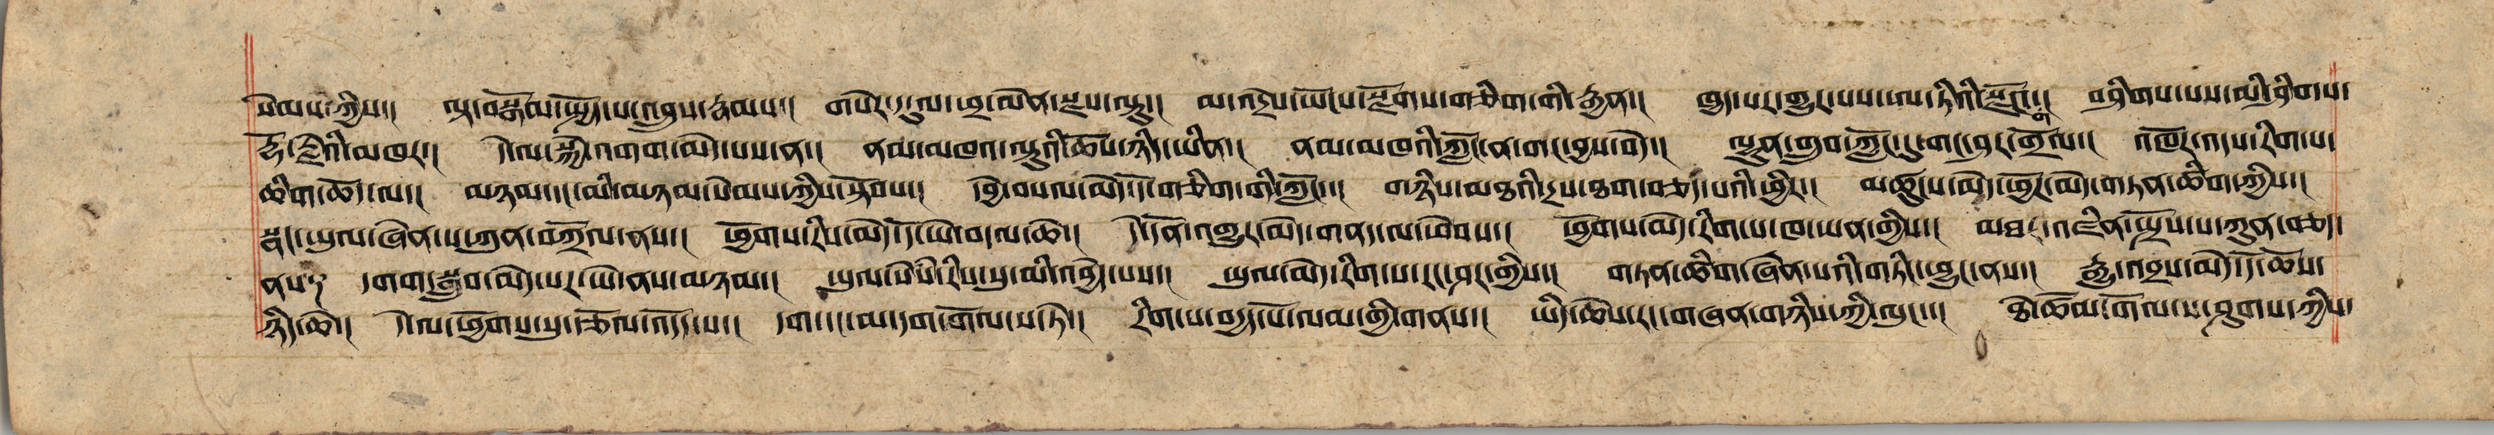སེམས་ཀྱིས་། ལྟ་བསྒོམ་སྤྱོད་པ་འབྲུས་རྣམས་། གསེར་དངུལ་ཕྲ་མེན་སྫས་ལྟུ་། མ་འདྲེས་ཡོངས་སྫོགས་གཅིག་གི་རྒྱན་། ཁྱད་པར་གྱུར་པས་ཨ་ཏིའི་སྫོགས། བཤིགས་པས་མི་ཤིགས་
རྡོ་རྗེའི་མཁར་། དེ་ལ་སྐྱེ་འགག་མེད་པས་ན་། ནམ་མཁའ་ལྟུའི་ཆོས་ཉིད་ཡིན་། ནམ་མཁའི་ཀློང་ན་གང་བྱས་བདེ་། ལྷུན་གྲུབ་ཀློང་དུ་གང་ཤར་གྲོལ་། འཁོར་འདས་རིག་པ་
ཆིག་ཆོད་ལ་། མཉམ་དང་མི་མཉམ་སེམས་ཀྱིས་སྟོབས་། དབྱེ་བསལ་མེད་དོ་གཅིག་གི་ཀློང་་། གཉིས་མཐའི་དྲས་ཐག་བཅད་པའི་ཕྱིར་། མཚུངས་མེད་ཕྱོཌ་མེད་གཏན་ཚིག་ཀྱིས་།
སྣང་ཡུལ་ཞེན་པ་ཀུན་བཀྲོལ་ནས་། ཕྱོགས་རིས་མེད་དོ་ཡེ་བདལ་ཆེ་། དེ་དོན་འགྱུར་མེད་གནད་ལ་ཕེབས་། ཕྱོགས་མེད་རིག་པ་ཁ་ཡན་གྱིས་། མཐར་འཛིན་སྤྲོས་པ་ཀུན་བཅད་
ནས༑ དགག་སྒྲུབ་མེད་པར་ཡེ་ནས་མཉམ་། ཡུལ་སེཾས་རིས་སུ་མི་འབྱེད་པས་། ཡུལ་མེད་རིག་པ་རང་ཤར་གྱིས་། གཏན་ཚིག་ཞེན་པའི་གཏིང་ཕྱུང་ནས་། རྒྱུ་འབྲས་མེད་དོ་ཆོས་
ཉིད་ཆེ་། དེ་ལ་ཕྱོགས་སུ་རྩོལ་འདོད་པ་། དག་དང་མ་དག་གོལ་ས་ཏེ་། རིག་པ་བདྱད་པོ་ལམ་གྱི་གནས་། ཡིད་ཆེས་རང་གཞན་གཉིས་ཀྱི་ལུང་་། ཐེ་ཚོམ་གོལ་ས་ཤུགས་ཀྱིས་